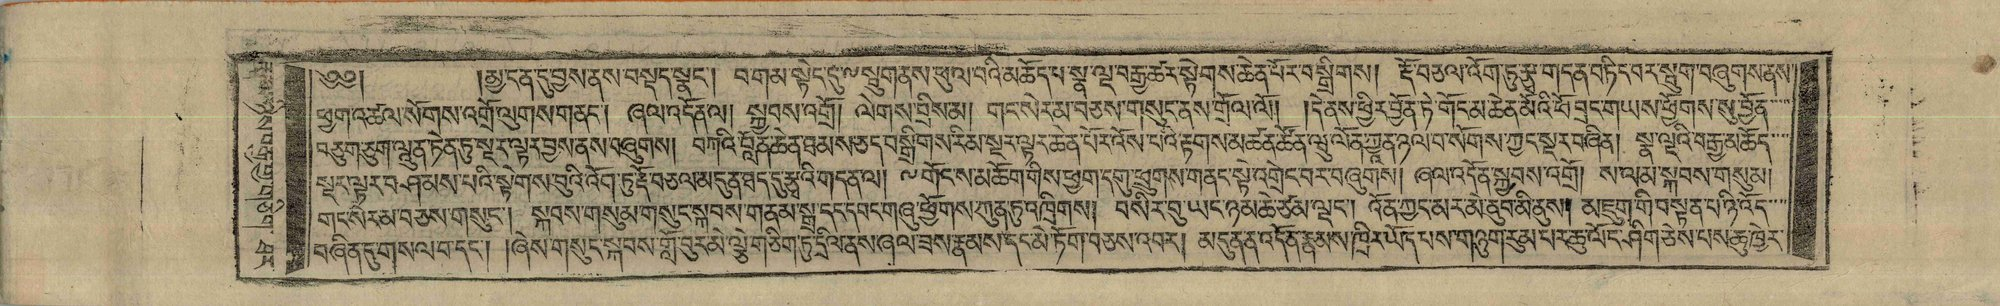༄༅། །མྱ་ངན་དུ་བྱས་ནས་བསྡད་སྣང་། བ་གམ་སྟེང་དུ་༧་སྦུག་ནས་ཕུལ་བའི་མཆོད་པ་སྣ་ལྔ་བརྒྱ་ཚར་སྟེགས་ཆེན་པོར་བསྒྲིགས། རྡོ་བཅལ་འོག་ཏུ་རྩྭ་གདན་བཏིང་བར་སྦུག་བཞུགས་ནས་
ཕྱག་འཚལ་སོགས་འགྲོ་ལུགས་གནང་། ཞལ་འདོན་ལ། སྐྱབས་འགྲོ། ལེགས་བྲིས་མ། གང་སེར་མ་བཅས་གསུང་ནས་གྲོལ་ལོ། །དེ་ནས་ཕྱིར་བྱོན་ཏེ་གོང་མ་ཆེན་མོའི་ཕོ་བྲང་གཡས་ཕྱོགས་སུ་བྱོན་
བཅུག་ཅུག་ལཱུན་ཏེན་ཏུ་སྔར་ལྟར་བྱས་ནས་བཞུགས། བཀའི་བློན་ཆེན་ཐམས་ཅད་བསྒྲིགས་རིམ་སྔར་ལྟར་ཆེན་པོར་འོས་པའི་རྟགས་མཚན་ཚོན་ཝུ་ལོན་ཀྱཱན་ཉལ་བ་སོགས་ཀྱང་སྔར་བཞིན། སྣ་ལྔའི་བརྒྱ་མཆོད་
སྔར་ལྟར་བཤམས་པའི་སྟེགས་བུའི་འོག་ཏུ་རྡོ་བཅལ་མདུན་ཐད་དུ་རྩྭའི་གདན་ལ། ༧གོང་ས་མཆོག་གིས་ཕྱག་དགུ་ཕྲུགས་གནང་སྟེ་འགྲེང་བར་བཞུགས། ཞལ་འདོན་སྐྱབས་འགྲོ། ས་ལམ་སྐབས་གསུམ།
གང་སེར་མ་བཅས་གསུང་། སྐབས་གསུམ་གསུང་སྐབས་གནམ་སྒྲ་དང་དབང་གཞུ་ཕྱོགས་ཀུན་ཏུ་འཁྲིགས། བསི་ར་བུ་ཡང་ཉམ་ཆེ་ཙམ་ལྡང་། འོན་ཀྱང་མར་མེ་ནུབ་མི་ནུས། མཇུག་གི་བསྟན་པ་ཉི་འོད་
བཞིན་དུ་གསལ་བ་དང་། །ཞེས་གསུང་སྐབས་གློ་བུར་མེ་ལྕེ་གཅིག་ཏུ་དྲིལ་ནས་ཞལ་ཟས་རྣམས་དང་མེ་ཏོག་བཅས་འབར། མདུན་ན་འདོན་རྣམས་ཁྲིར་ཡོད་པས་གཉུག་རུམ་པར་ཆུ་ལོང་ཤིག་ཅེས་པས་ཆུ་ཁྱེར་